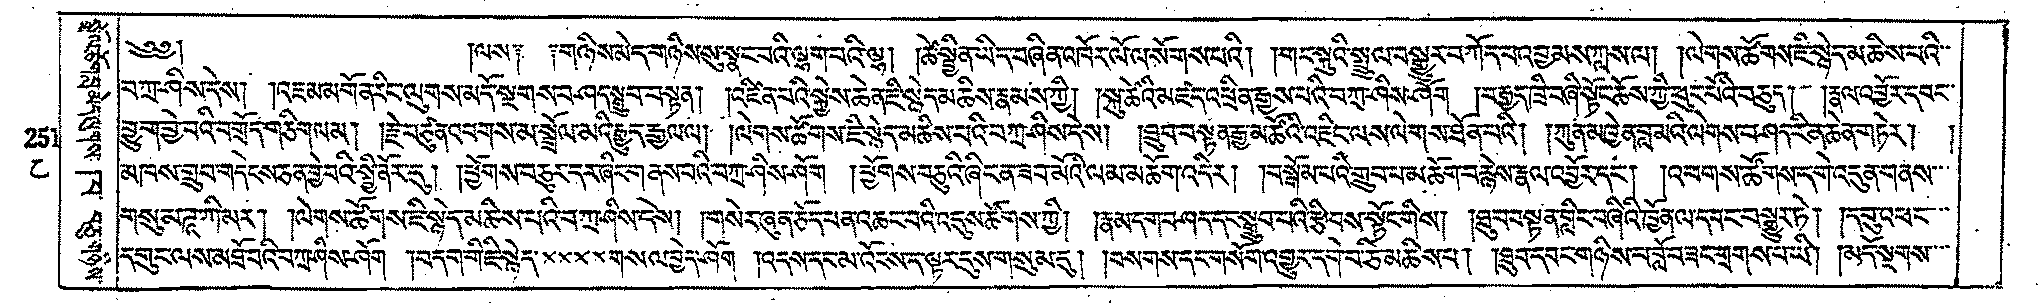༄༅། །ལས༑ ༑གཉིས་མེད་གཉིས་སུ་སྣང་བའི་ལྷག་པའི་ལྷ། །ཚེ་སྦྱིན་ཡིད་བཞིན་འཁོར་ལོ་ལ་སོགས་པའི། །གང་སྐུའི་སྤྲུལ་བསྒྱུར་བཀོད་པ་འབྱམས་ཀླས་ལ། །ལེགས་ཚོགས་ཇི་སྙེད་མཆིས་པའི་་་
བཀྲ་ཤིས་དེས། །འཇམ་མགོན་རིང་ལུགས་མདོ་སྔགས་བཤད་སྒྲུབ་བསྟན། །འཛིན་པའི་སྐྱེས་ཆེན་ཇི་སྙེད་མཆིས་རྣམས་ཀྱི། །སྐུ་ཚེའི་མཛད་འཕྲིན་རྒྱས་པའི་བཀྲ་ཤིས་ཤོག །བརྒྱད་ཁྲི་བཞི་སྟོང་ཆོས་ཀྱི་ཕུང་པོའི་བཅུད། །རྣལ་འབྱོར་དབང་
ཕྱུག་བྱེ་བའི་བགྲོད་གཅིག་ལམ། །རྗེ་བཙུན་འཕགས་མ་སྒྲོལ་མའི་རྒྱུད་རྒྱལ་ལ། །ལེགས་ཚོགས་ཇི་སྙེད་མཆིས་པའི་བཀྲ་ཤིས་དེས། །ཐུབ་བསྟན་རྒྱ་མཚོའི་འཇིང་ལས་ལེགས་ཐོན་པའི། །ཀུན་མཁྱེན་བླ་མའི་ལེགས་བཤད་རིན་ཆེན་གཏེར། །
མཁས་གྲུབ་གདེངས་ཅན་བྱེ་བའི་སྤྱི་ནོར་དུ། །ཕྱོགས་བཅུར་དར་ཞིང་གནས་པའི་བཀྲ་ཤིས་ཤོག །ཕྱོགས་བཅུའི་ཞིང་ན་ཟབ་མོའི་ལམ་མཆོག་འདིར། །བསྒོམ་པའི་གྲུབ་པ་མཆོག་བསྙེས་རྣལ་འབྱོར་དང་། །འཕགས་ཚོགས་དགེ་འདུན་གནས་་་
གསུམ་ཌཱ་ཀི་མར། །ལེགས་ཚོགས་ཇི་སྙེད་མཆིས་པའི་བཀྲ་ཤིས་དེས། །གསེར་ཞུན་ཅོད་པན་འཆང་བའི་འདུས་ཚོགས་ཀྱི། །རྣམ་དག་བཤད་དང་སྒྲུབ་པའི་རྩི་བས་སྟོང་གིས། །ཐུབ་བསྟན་གླིང་བཞིའི་ཁྱོན་ལ་དབང་བསྒྱུར་ཏེ། །དབུ་འཕང་་་
དགུང་ལས་མཐོ་བའི་བཀྲ་ཤིས་ཤོག །བདག་གི་ཇི་སྙེད་྾་྾་྾་྾་གསལ་བྱེད་ཤོག །འདས་དང་མ་འོངས་ད་ལྟར་དུས་གསུམ་དུ། །བསྒགས་དང་གསོག་འགྱུར་དགེ་བ་ཅི་མཆིས་པ། །ཐུབ་དབང་གཉིས་པ་བློ་བཟང་གྲགས་པ་ཡི། །མདོ་སྔགས་་་